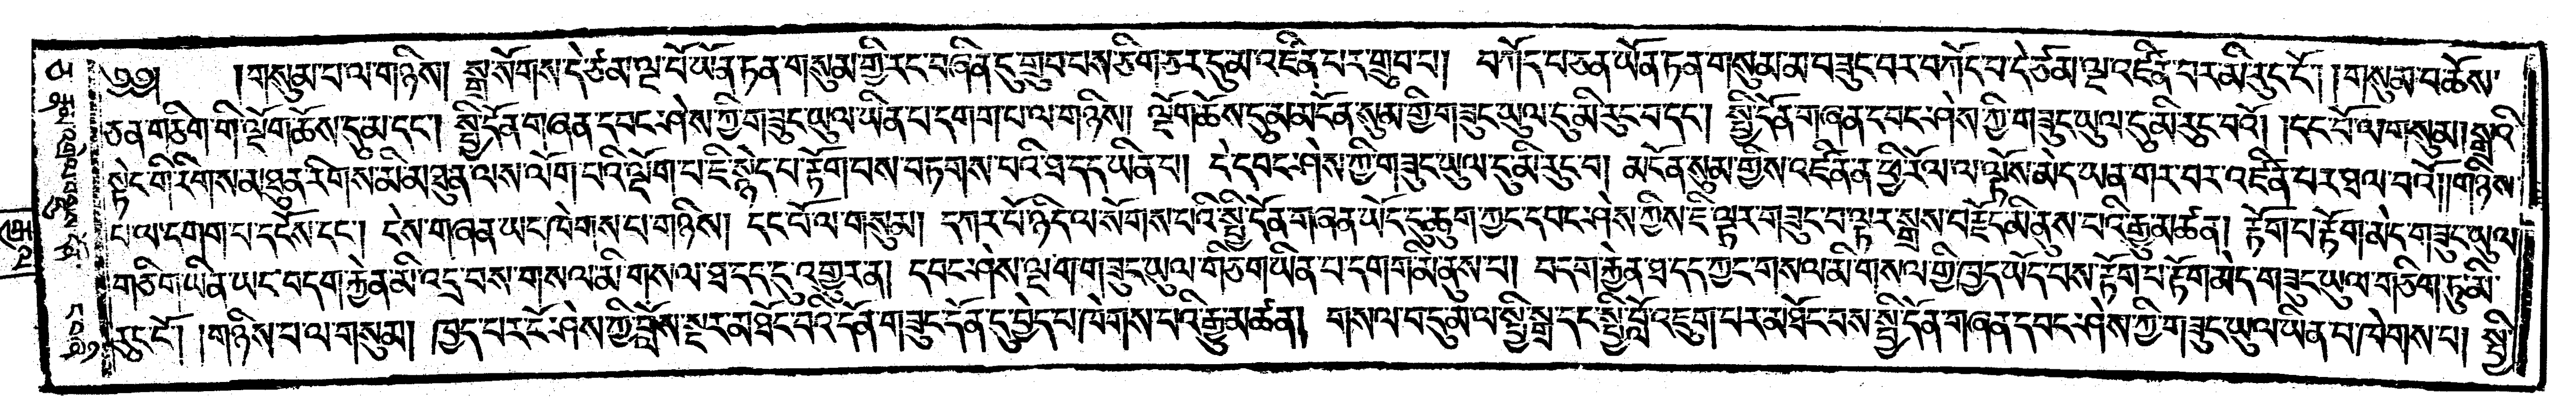༄༅། །གསུམ་པ་ལ་གཉིས། སྒྲ་སོགས་དེ་ཙམ་ལྔ་པོ་ཡོན་ཏན་གསུམ་གྱི་རང་བཞིན་དུ་གྲུབ་པས་ཅིག་ཅར་དུ་མ་འཛིན་པར་གྲུབ་པ། བཀོད་པ་ཅན་ཡོན་ཏན་གསུམ་མ་བཟུང་བར་བཀོད་པ་དེ་ཙམ་ལྔ་འཛིན་པར་མི་རུང་ངོ། །གསུམ་པ་ཆོས་
ཅན་གཅིག་གི་ལྡོག་ཆོས་དུ་མ་དང་། སྤྱི་དོན་གཞན་དབང་ཤེས་ཀྱི་གཟུང་ཡུལ་ཡིན་པ་དགག་པ་ལ་གཉིས། ལྡོག་ཆོས་དུ་མ་མངོན་སུམ་གྱི་གཟུང་ཡུལ་དུ་མི་རུང་བ་དང་། སྤྱི་དོན་གཞན་དབང་ཤེས་ཀྱི་གཟུང་ཡུལ་དུ་མི་རུང་བའོ། །དང་པོ་ལ་གསུམ། སྒྲའི་
སྟེང་གི་རིགས་མཐུན་རིགས་མི་མཐུན་ལས་ལོག་པའི་ལྡོག་པ་ཇི་སྙེད་པ་རྟོག་པས་བཏགས་པའི་ཐ་དད་ཡིན་པ། དེ་དབང་ཤེས་ཀྱི་གཟུང་ཡུལ་དུ་མི་རུང་བ། མངོན་སུམ་གྱིས་འཛིན་ན་ཕྱི་རོལ་ལ་ལྟོས་མེད་ཡན་གར་བར་འཛིན་པར་ཐལ་བའོ། །གཉིས་
པ་ལ་དགག་པ་དངོས་དང་། དེས་གཞན་ཡང་ཁེགས་པ་གཉིས། དང་པོ་ལ་གསུམ། དཀར་པོ་ཉིད་ལ་སོགས་པའི་སྤྱི་དོན་གཞན་ཡོད་དུ་ཆུག་ཀྱང་དབང་ཤེས་ཀྱིས་ཇི་ལྟར་གཟུང་བ་ལྟར་སྒྲས་བརྗོད་མི་ནུས་པའི་རྒྱུ་མཚན། རྟོག་པ་རྟོག་མེད་གཟུང་ཡུལ་
གཅིག་ཡིན་ཡང་བདག་རྐྱེན་མི་འདྲ་བས་གསལ་མི་གསལ་ཐ་དད་དུ་འགྱུར་ན། དབང་ཤེས་ལྔག་གཟུང་ཡུལ་གཅིག་ཡིན་པ་དགག་མི་ནུས་པ། བདག་རྐྱེན་ཐ་དད་ཀྱང་གསལ་མི་གསལ་གྱི་ཁྱད་ཡོད་པས་རྟོག་པ་རྟོག་མེད་གཟུང་ཡུལ་གཅིག་ཏུ་མི་
རུང་ངོ། །གཉིས་པ་ལ་གསུམ། ཁྱད་པར་ངོ་ཤེས་ཀྱི་བློས་སྔར་མཐོང་བའི་དོན་གཟུང་དོན་དུ་བྱེད་པ་ཁེགས་པའི་རྒྱུ་མཚན། གསལ་བ་དུ་མ་ལ་སྤྱི་སྒྲ་དང་སྤྱི་བློ་འཇུག་པར་མཐོང་བས་སྤྱི་དོན་གཞན་དབང་ཤེས་ཀྱི་གཟུང་ཡུལ་ཡིན་པ་ཁེགས་པ། སྤྱི་